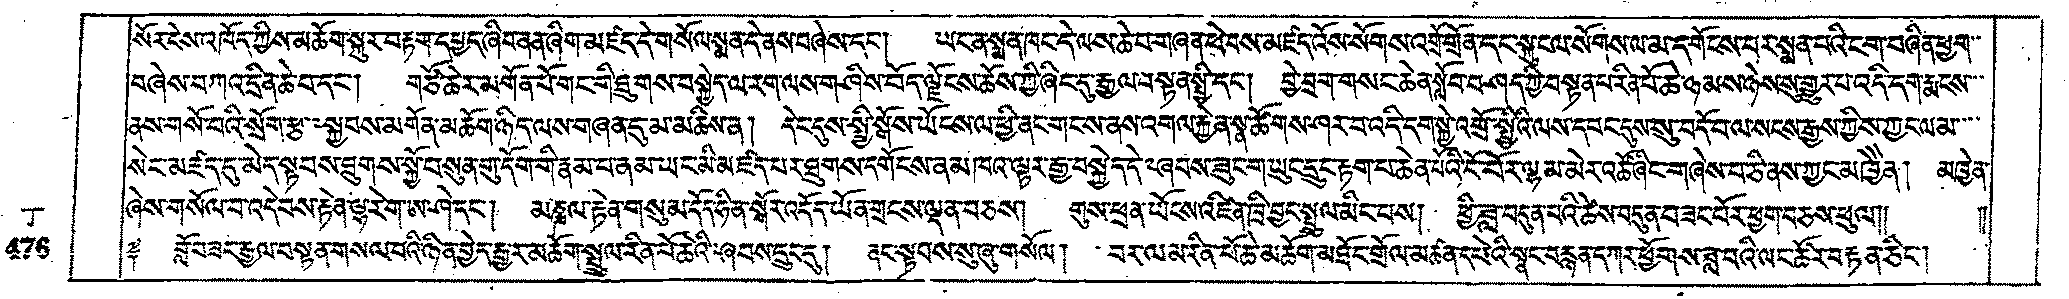སོར་ངེས་འཁོད་ཀྱིས་མཆོག་སྐུར་བརྟག་དཔྱད་ཞིབ་ནན་ཞིག་མཛད་དེ་གསོལ་སྨན་དེ་ནས་བཞེས་དང་། ཡང་ན་སྨན་ཁང་དེ་ལས་ཆེ་བ་གཞན་ཕེབས་མཛད་འོས་སོགས་འགྲོ་གྲོན་དང་སྐུ་ངལ་སོགས་ལ་མ་དགོངས་པར་སྨན་པའི་ངག་བཞིན་ཕྱག་་་
བཞེས་བཀའ་དྲིན་ཆེ་བ་དང་། གཙོ་ཆེར་མགོན་པོ་གང་གི་ཐུགས་བསྐྱེད་ལ་རག་ལས་གཤིས་བོད་ལྗོངས་ཆོས་ཀྱི་ཞིང་དུ་རྒྱལ་བསྟན་སྤྱི་དང་། བྱེ་བྲག་གསང་ཆེན་སློབ་བཤད་ཀྱི་བསྟན་པ་རིན་པོ་ཆེ་ཉམས་ཉེས་སུ་གྱུར་པ་འདི་དག་རྨངྶ་་་
ནས་གསོ་བའི་སྲོག་རྩ ༧སྐྱབས་མགོན་མཆོག་ཉིད་ལས་གཞན་དུ་མ་མཆིས་ན། དེང་དུས་སྤྱི་སྒོས་ཡོངས་ལ་ཕྱི་ནང་གང་ས་ནས་འགལ་རྐྱེན་སྣ་ཚོགས་ཤར་བ་འདི་དག་སྐྱེ་འགྲོ་སྤྱིའི་ལས་དབང་དུས་སུ་བདོ་བ་ལ་སངས་རྒྱས་ཀྱིས་ཀྱང་ལམ་་་
སེང་མཛད་དུ་མེད་སྟབས་ཐུགས་སྐྱོ་བསུན་གུ་དོག་གི་རྣམ་པ་ནམ་ཡང་མི་མཛད་པར་ཐུགས་དགོངས་ནམ་མཁའ་ལྟར་རྒྱ་བསྐྱེད་དེ ༧ཞབས་ཟུང་གཡུང་དྲུང་རྟག་པ་ཆེན་པོའི་ངོ་བོར་ལྷམ་མེར་འཚོ་ཞིང་གཞེས་པ་ཅི་ནས་ཀྱང་མཁྱཻཨེན། མཁྱེན་
ཞེས་གསོལ་བ་འདེབས་རྟེན་ལྷ་རེག་ཨ་ཤེ་དང་། མཎྜལ་རྟེན་གསུམ་དོད་ཧིན་སྒོར་འདོད་ཡོན་གྲངས་ལྡན་བཅས། གུས་ཕྲན་ཡོངས་འཛིན་ཁྲི་བྱང་སྤྲུལ་མིང་པས། ཕྱི་ཟླ་བདུན་པའི་ཚེས་བདུན་བཟང་པོར་ཕྱག་བཅས་ཕུལ།། །།
འ་བློ་བཟང་རྒྱལ་བསྟན་གསལ་བའི་ཉིན་བྱེད་རྒྱ་ར་མཆོག་སྤྲུལ་རིན་པོ་ཆེའི ༧ཞབས་དྲུང་དུ། ནང་སྟབས་སུ་ཞུ་གསོལ། བར་ལམ་རིན་པོ་ཆེ་མཆོག་མཐོང་གྲོལ་མཚན་དཔེའི་སྣང་བརྙན་དཀར་ཕྱོགས་ཟླ་བའི་ལང་ཚོར་བརྟན་ཅིང་།